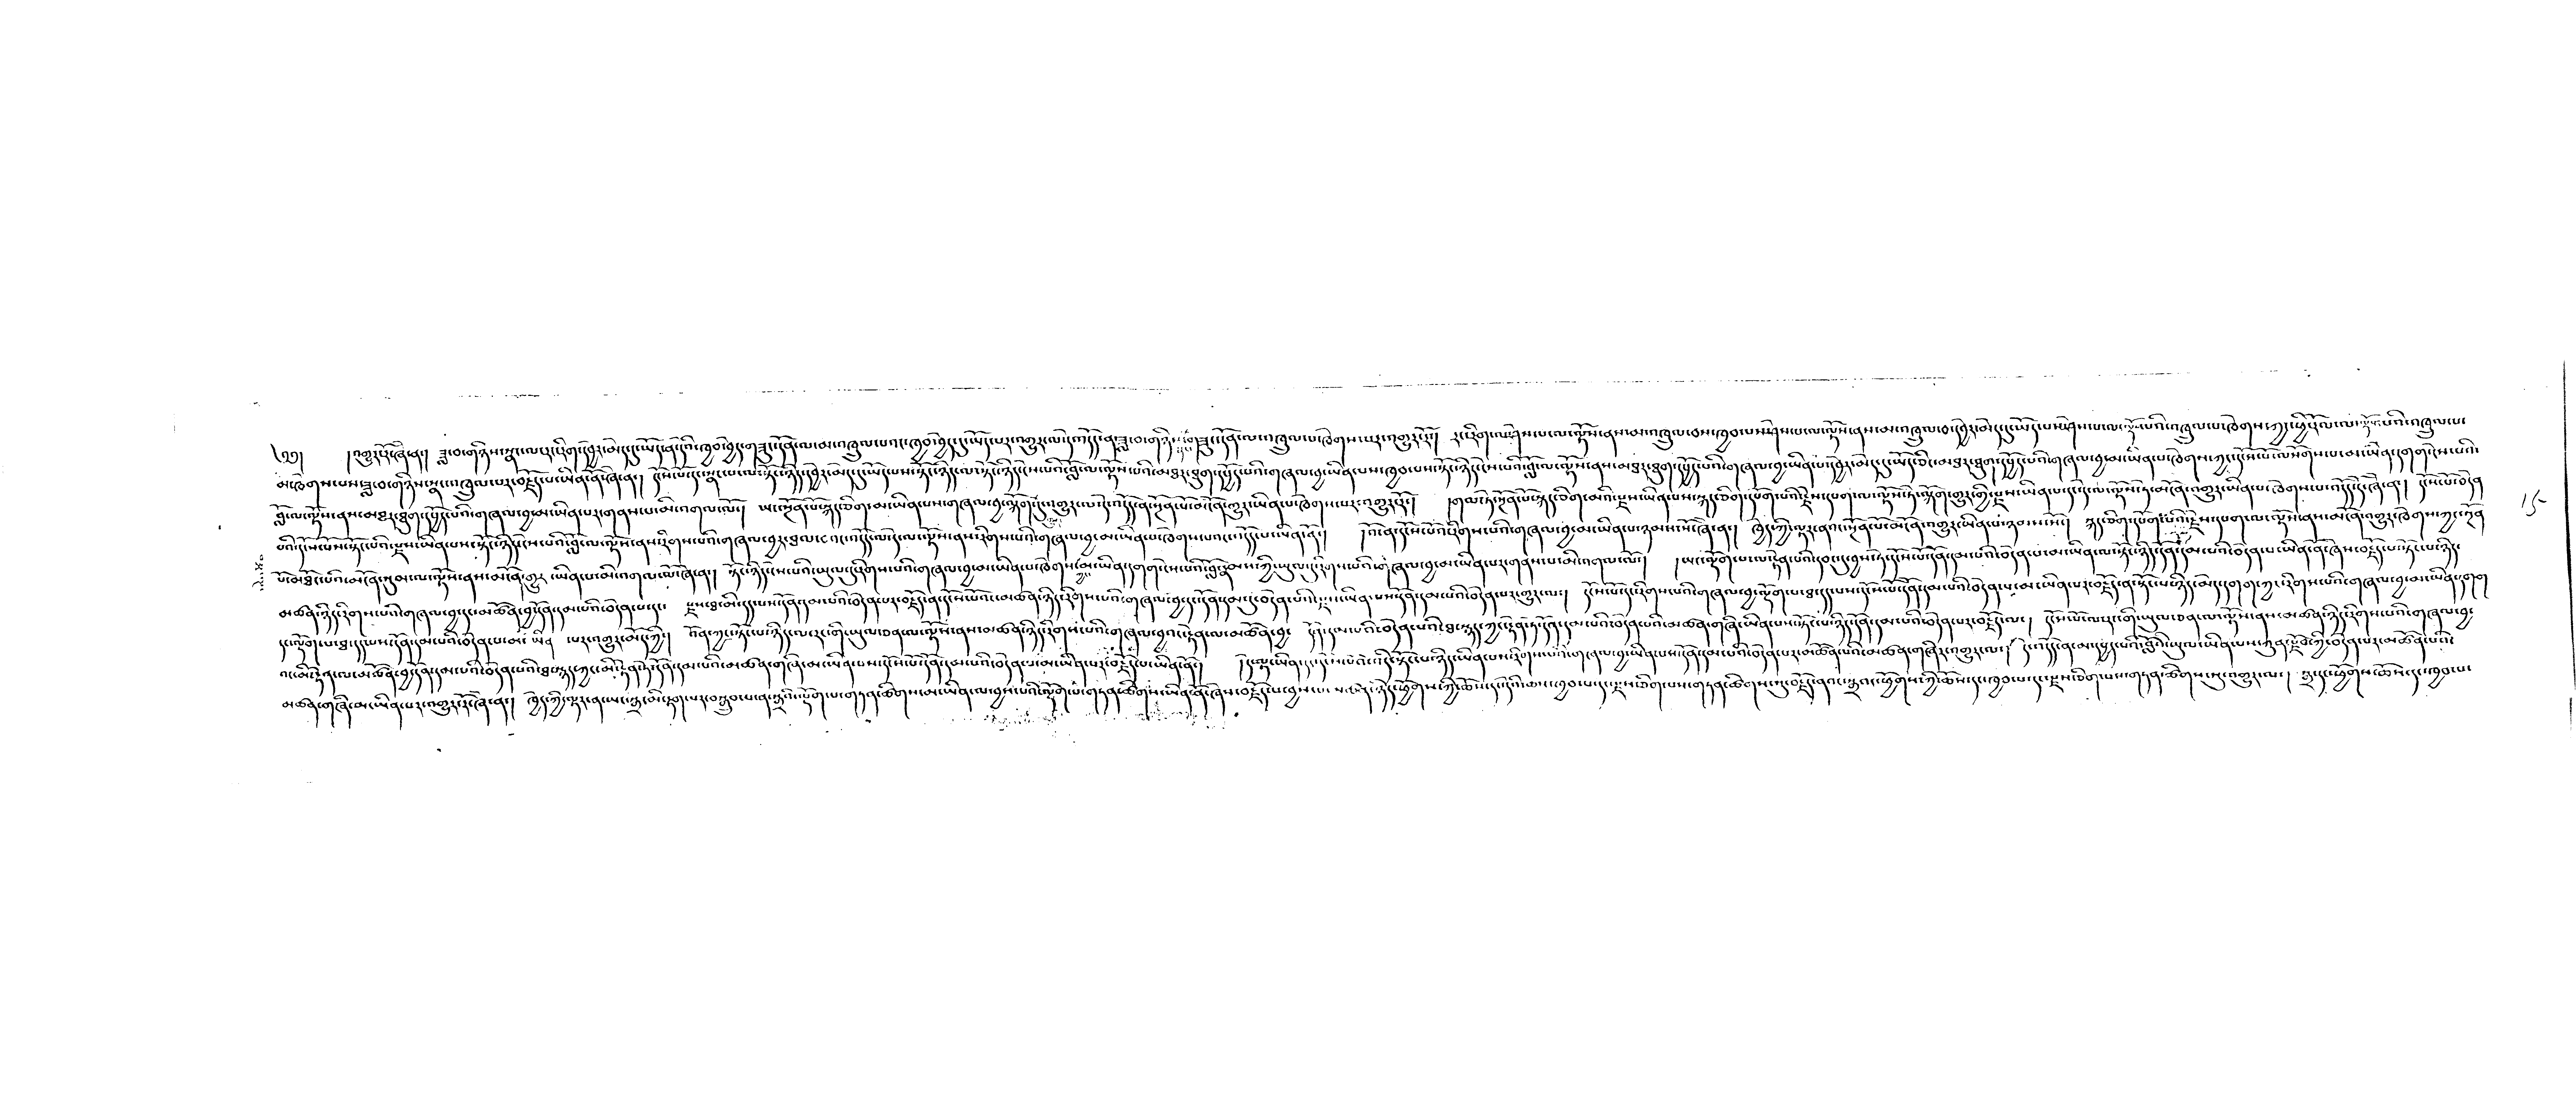༄༅། །འགྱུར་རོ་ཞེ་ན། ཟླ་བ་གཉིས་སྣང་ལ་རང་རིག་དབྱེར་མེད་དུ་ཡོད་ན་དེའི་ཁྱབ་བྱེད་གཟུང་དོན་ལ་མ་འཁྲུལ་པའང་ཁྱབ་བྱེད་དུ་ཡོད་པར་འགྱུར་ལ་དེ་འདོད་ན་ཟླ་བ་གཉིས་སྣང་གཟུང་དོན་ལ་འཁྲུལ་པ་ཁེགས་པར་འགྱུར་རོ། རང་རིག་ལ་ཤེས་པ་ལ་ལྟོས་ནས་མ་འཁྲུལ་བས་ཁྱབ་པས་ཤེས་པ་ལ་ལྟོས་ནས་མ་འཁྲུལ་བ་དབྱེར་མེད་དུ་ཡོད་པ་ཤེས་པ་ལ་ལྟོས་པའི་འཁྲུལ་པ་ཁེགས་ཀྱང་ཕྱི་རོལ་ལ་ལྟོས་པའི་འཁྲུལ་པ་
མ་ཁེགས་པས་ཟླ་བ་གཉིས་སྣང་འཁྲུལ་པར་བརྗོད་པ་ཡིན་ནོ་ཞེ་ན། དངོས་པོ་དང་སྣང་པ་ལ་སྟོང་ཉིད་དབྱེར་མེད་དུ་ཡོད་པས་སྟོང་ཉིད་ལ་སྟོང་ཉིད་ངེས་པའི་བློ་ལ་ལྟོས་པའི་མཐར་ཐུག་དཔྱོད་པའི་གཞལ་བྱ་ཡིན་པས་ཁྱབ་པས་སྟོང་ཉིད་ངེས་པའི་བློ་ལ་ལྟོས་ནས་མཐར་ཐུག་དཔྱོད་པའི་གཞལ་བྱ་ཡིན་པ་དབྱེར་མེད་དུ་ཡོད་ཅིང་མཐར་ཐུག་དཔྱོད་པའི་གཞལ་བྱ་མ་ཡིན་པ་ཁེགས་ཀྱང་དངོས་པོ་ལ་སོགས་པ་མ་ཡིན་དགག་ངེས་པའི་
བློ་ལ་ལྟོས་ནས་མཐར་ཐུག་དཔྱོད་པའི་གཞལ་བྱ་མ་ཡིན་པར་གནས་པ་མི་འགལ་ལོ། ཡང་སྔོན་པོ་སྐད་ཅིག་མ་ཡིན་པས་གཞལ་བྱ་ལྐོག་དུ་ཀུན་འགྱུར་ལ་དེ་འདོད་ན་སྔོན་པོ་མངོན་གྱུར་ཡིན་པ་ཁེགས་པར་འགྱུར་རོ། །གལ་ཏེ་སྔོན་པོ་སྐད་ཅིག་མའི་རྫས་ཡིན་པས་སྐད་ཅིག་དཔོག་པའི་རྗེས་དཔག་ལ་ལྟོས་ཏེ་ལྐོག་གྱུར་གྱི་རྫས་ཡིན་པ་དང་དེ་ལ་ལྟོས་ཏེ་མངོན་འགྱུར་ཡིན་པ་ཁེགས་པ་འདོད་དོ་ཞེ་ན། དངོས་པོ་བདེན་
པའི་དངོས་པོས་སྟོང་པའི་རྫས་ཡིན་པས་སྟོང་ཉིད་ངེས་པའི་བློ་ལ་ལྟོས་ནས་རིགས་པའི་གཞལ་བྱར་ཐལ་བའང་འདོད་ལ་དེ་ལ་ལྟོས་ནས་རིགས་པའི་གཞལ་བྱ་མ་ཡིན་པ་ཁེགས་པའང་འདོད་པ་ཡིན་ནོ། །འོ་ན་དངོས་པོའི་རིགས་པའི་གཞལ་བྱ་མ་ཡིན་པ་ཉམས་སོ་ཞེ་ན། ཁྱེད་ཀྱི་ལྟར་ནའང་སྔོན་པོ་མངོན་འགྱུར་ཡིན་པ་ཉམས་སོ། སྐད་ཅིག་དཔོག་པའི་རྗེས་དཔག་ལ་ལྟོས་ནས་མངོན་འགྱུར་ཁེགས་ཀྱང་སྔོན་
པོ་མཐོང་པའི་མངོན་སུམ་ལ་ལྟོས་ནས་མངོན་གྱུར་ཡིན་པ་མི་འགལ་མོ་ཞེ་ན། སྟོང་ཉིད་ངེས་པའི་ཡུལ་དུ་རིགས་པའི་གཞལ་བྱ་མ་ཡིན་པ་ཁེགས་ཀྱང་མ་ཡིན་དགག་ངེས་པའི་བློ་རྣམས་ཀྱི་ཡུལ་དུ་རིག་པའི་གཞལ་བྱ་མ་ཡིན་པར་གནས་པ་མི་འགལ་ལོ། །ཡང་ལྡོག་པ་ལ་རྟེན་པའི་དབང་དུ་བྱས་ཏེ་དངོས་པོ་དོན་དམ་པའི་བདེན་པ་མ་ཡིན་ལ་སྟོང་ཉིད་དོན་དམ་པའི་བདེན་པ་ཡིན་ནོ་ཞེས་བརྗོད་པ་སྟོང་པ་ཉིད་
མཚན་ཉིད་རིགས་པའི་གཞལ་བྱ་དང་མཚོན་བྱ་དོན་དམ་པའི་བདེན་པ་དང་། རྫས་ཐ་མི་དད་པས་དོན་དམ་པའི་བདེན་པར་བརྗོད་ན་དངོས་པོའང་མཚན་ཉིད་རིགས་པའི་གཞལ་བྱ་དང་དོན་དམ་དུ་བདེན་པའི་རྫས་ཡིན་པས་དོན་དམ་པའི་བདེན་པར་གྱུར་ལ། དངོས་པོ་དང་རིགས་པའི་གཞལ་བྱ་ལྡོག་པ་ཐ་དད་པས་དངོས་པོ་དོན་དམ་པའི་བདེན་པ་མ་ཡིན་པར་བརྗོད་ན་སྟོང་པ་ཉིད་མེད་དགག་ཀྱང་རིགས་པའི་གཞལ་བྱ་མ་ཡིན་དགག་
དང་ལྡོག་པ་ཐ་དད་པས་དོན་དམ་པའི་བདེན་པ་མ་ཡིན་པར་འགྱུར་མོད་ཀྱི། འོན་ཀྱང་སྟོང་པ་ཉིད་ལ་རང་གི་ཡུལ་ཅན་ལ་ལྟོས་ནས་མཚན་ཉིད་རིགས་པའི་གཞལ་བྱའི་རྟེན་ལ་མཚོན་བྱ་དོན་དམ་པའི་བདེན་པའི་ཐ་སྙད་ཀྱང་རྟེན་ཏེ་དོན་དམ་པའི་བདེན་པའི་མཚན་གཞི་ཡིན་པས་སྟོང་པ་ཉིད་དོན་དམ་པའི་བདེན་པར་བརྗོད་ལ། དངོས་པོ་ལ་རང་གི་ཡུལ་ཅན་ལ་ལྟོས་ནས་མཚན་ཉིད་རིགས་པའི་གཞལ་བྱ་
འང་མི་རྟེན་ལ་མཚོན་བྱ་དོན་དམ་པའི་བདེན་པའི་ཐ་སྙད་ཀྱང་མི་རྟེན་ཏེ་དོན་དམ་པའི་མཚན་གཞི་མ་ཡིན་པས་དངོས་པོ་དོན་དམ་པའི་བདེན་པ་མ་ཡིན་པར་བརྗོད་པ་ཡིན་ནོ། །དེ་ལྟ་ཡིན་དང་དངོས་པོའི་དེ་སྟོང་པ་ཉིད་ཡིན་པས་རིགས་པའི་གཞལ་བྱ་ཡིན་པས་དོན་དམ་པའི་བདེན་པར་མཚོན་པའི་མཚན་གཞིར་འགྱུར་ལ། དེ་འདོད་ན་མ་དཔྱད་པའི་བློའི་ཡུལ་ཡིན་པས་ཀུན་རྫོབ་ཀྱི་བདེན་པར་མཚོན་པའི་
མཚན་གཞི་མ་ཡིན་པར་འགྱུར་རོ་ཞེ་ན། ཁྱེད་ཀྱི་ལྟར་ན་ཡང་སྒྲ་མི་རྟག་པར་བསྒྲུབ་པ་ན་སྒྲའི་ལྡོག་པ་གཏན་ཚིགས་མ་ཡིན་ལ་བྱས་པའི་ལྡོག་པ་གཏན་ཚིགས་ཡིན་ནོ་ཞེས་བརྗོད་པ་བྱས་པ་མཚན་ཉིད་ཕྱོགས་ཀྱི་ཆོས་དང་དེའི་ཆས་ཁྱབ་པ་དང་རྫས་ཅིག་པས་གཏན་ཚིགས་སུ་བརྗོད་ནའང་སྒྲའང་ཕྱོགས་ཀྱི་ཆོས་དང་ཁྱབ་པ་དང་རྫས་ཅིག་པས་གཏན་ཚིགས་སུ་འགྱུར་ལ། སྒྲ་དང་ཕྱོགས་ཆོས་དང་ཁྱབ་པ་